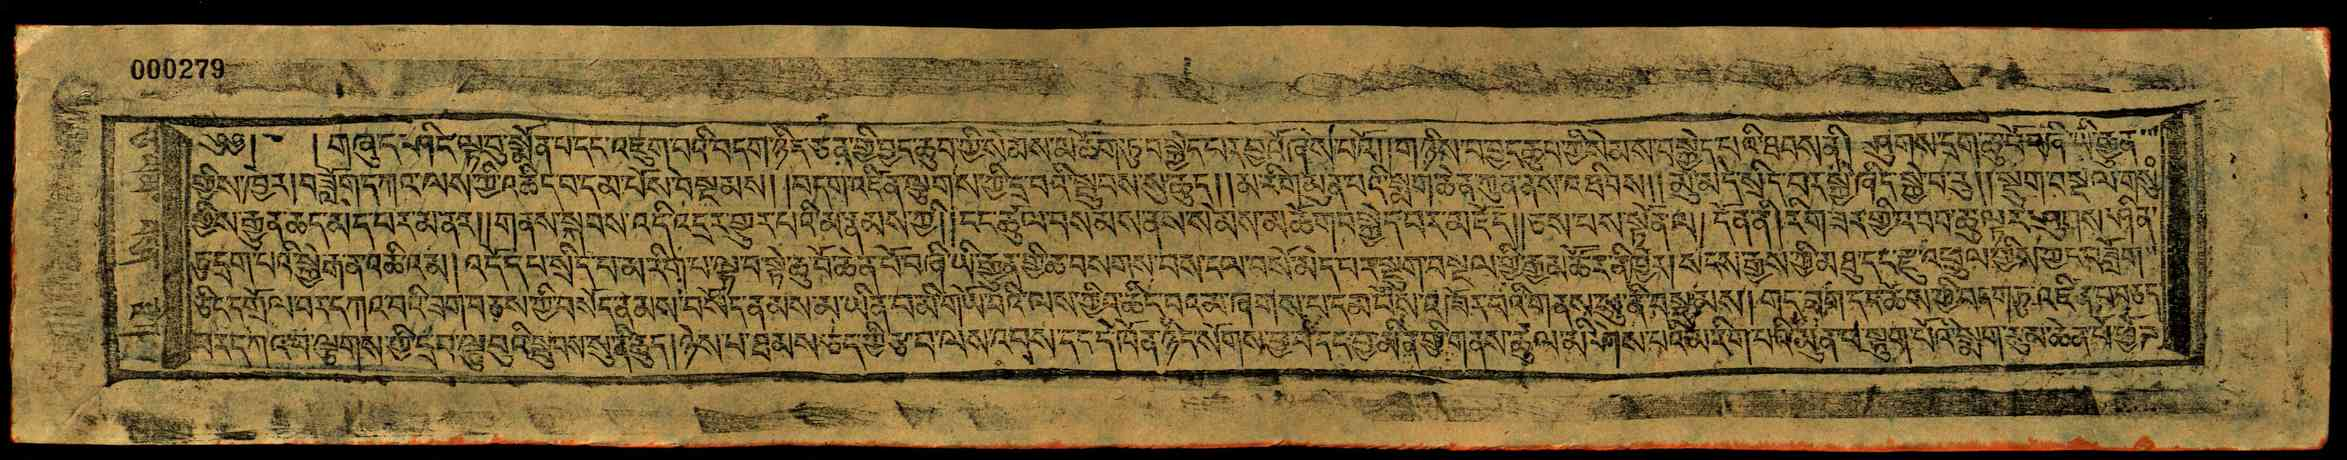༄༅། །གཞུང་ཤིང་ལྟ་བུ་སྨོན་པ་དང་འཇུག་པའི་བདག་ཉིད་ཅན་གྱི་བྱང་ཆུབ་ཀྱི་སེམས་མཆོག་ཏུ་བསྐྱེད་པར་བྱའོ་ཞེས་པའོ། །གཉིས་པ་བྱང་ཆུབ་ཀྱི་སེམས་བསྐྱེད་པའི་ཐབས་ནི། ཤུགས་དྲག་ཆུ་བོ་བཞི་ཡི་རྒྱུན་་་
གྱིས་ཁྱེར། བཟློག་དཀའ་ལས་ཀྱི་འཆིང་བ་དམ་པོས་བསྔམས། །བདག་འཛིན་ལྕགས་ཀྱི་དྲ་བའི་སྦུབས་སུ་ཆུད། །མ་རིག་མུན་པའི་སྨག་ཆེན་ཀུན་ནས་འཐིབས། །མུ་མེད་སྲིད་པར་སྐྱེ་ཞིང་སྐྱེ་བ་རུ། །སྡུག་བསྔལ་གསུཾ་
གྱིས་རྒྱུན་ཆད་མེད་པར་མནར། །གནས་སྐབས་འདི་འདྲར་གྱུར་པའི་མ་རྣམས་ཀྱི། །ངང་ཚུལ་བསམས་ནས་སེམས་མཆོག་བསྐྱེད་པར་མཛོད། །ཅེས་པས་སྟོན་ལ། དོན་ནི། རིག་ཟར་གྱི་འབབ་ཆུ་ལྟར་ཤུགས་ཤིན་
ཏུ་དྲག་པའི་སྐྱེ་རྒ་ན་འཆིའམ། འདོད་པ་སྲིད་པ་མ་རིག་པ་ལྟ་བ་སྟེ་ཆུ་བོ་ཆེན་པོ་བཞི་ཡི་རྒྱུན་གྱི་ཆ་བསགས་པས་ངལ་བསོ་མེད་པར་སྡུག་བསྔལ་གྱི་རྒྱ་མཚོར་ནི་ཁྱེར། སངས་རྒྱས་ཀྱི་མཐུ་དང་རྫུ་འཕྲུལ་གྱིས་ཀྱང་བཟློག་
ཅིང་དགྲོལ་བར་དཀའ་བའི་ཟག་བཅས་ཀྱི་བསོད་ནམས་བསོད་ནམས་མ་ཡིན་པ་མི་གཡོ་བའི་ལས་ཀྱི་འཆིང་བའམ་ཞགས་པ་དམ་པོས་འཁོར་བའི་གནས་སུ་ནི་བསྡམས། གང་ཟག་དང་ཆོས་ཀྱི་བདག་ཏུ་འཛིན་པ་བཅད་
པར་དཀའ་བ་ལྕགས་ཀྱི་དྲ་བ་ལྟུ་བུའི་སྦུབས་སུ་ན་ཆུད། ཉེས་པ་ཐམས་ཅད་ཀྱི་རྩ་བ་ལས་འབྲས་དང་དེ་ཁོ་ན་ཉིད་སོགས་བྱ་བ་དང་བྱ་མིན་གྱི་གནས་ཚུལ་མི་ཤེས་པའི་མ་རིག་པའི་མུན་པ་སྟུག་པོའི་སྨག་རུམ་ཆེན་པོ་ཕྱོཊ་